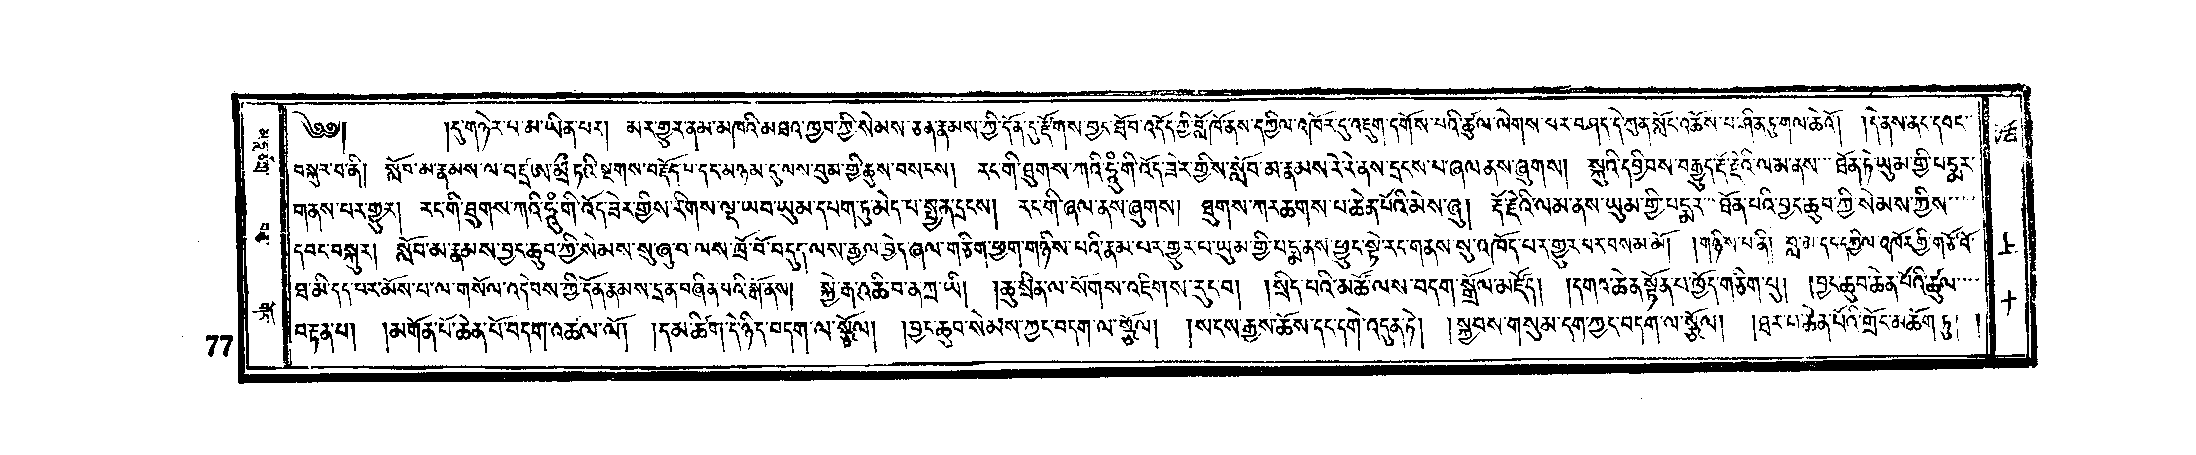༄༅། །དུ་གཉེར་པ་མ་ཡིན་པར། མར་གྱུར་ནམ་མཁའི་མཐའ་ཁྱབ་ཀྱི་སེམས་ཅན་རྣམས་ཀྱི་དོན་དུ་རྫོགས་བྱང་ཐོབ་འདོད་ཀྱི་བློ་ཁོ་ནས་དཀྱིལ་འཁོར་དུ་འཇུག་དགོས་པའི་ཚུལ་ལེགས་པར་བཤད་དེ་ཀུན་སློང་འཆོས་པ་ཤིན་ཏུ་གལ་ཆེའོ། །དེ་ནས་ནང་དབང་
བསྐུར་བ་ནི། སློབ་མ་རྣམས་ལ་བཛྲ་ཨ་མྲྀ་ཏའི་སྔགས་བརྗོད་པ་དང་མཉམ་དུ་ལས་བུམ་གྱི་ཆུས་བསངས། རང་གི་ཐུགས་ཀའི་ཧཱུཾ་གི་འོད་ཟེར་གྱིས་སློབ་མ་རྣམས་རེ་རེ་ནས་དྲངས་པ་ཞལ་ནས་ཞུགས། སྐུའི་དབྱིབས་བརྒྱུད་རྡོ་རྗེའི་ལམ་ནས་ཐོན་ཏེ་ཡུམ་གྱི་པདམར་
གནས་པར་གྱུར། རང་གི་ཐུགས་ཀའི་ཧཱུཾ་གི་འོད་ཟེར་གྱིས་རིགས་ལྔ་ཡབ་ཡུམ་དཔག་ཏུ་མེད་པ་སྤྱན་དྲངས། རང་གི་ཞལ་ནས་ཞུགས། ཐུགས་ཀར་ཆགས་པ་ཆེན་པོའི་མེས་ཞུ། རྡོ་རྗེའི་ལམ་ནས་ཡུམ་གྱི་པདམར་ཐོན་པའི་བྱང་ཆུབ་ཀྱི་སེམས་ཀྱིས་
དབང་བསྐུར། སློབ་མ་རྣམས་བྱང་ཆུབ་ཀྱི་སེམས་སུ་ཞུ་བ་ལས་ཁྲོ་བོ་བདུད་ལས་རྒྱལ་བྱེད་ཞལ་གཅིག་ཕྱག་གཉིས་པའི་རྣམ་པར་གྱུར་པ་ཡུམ་གྱི་པདམ་ནས་ཕྱུང་སྟེ་རང་གནས་སུ་འཁོད་པར་གྱུར་པར་བསམ་མོ། །གཉིས་པ་ནི། བླ་མ་དང་དཀྱིལ་འཁོར་གྱི་གཙོ་བོ་
ཐ་མི་དད་པར་མོས་པ་ལ་གསོལ་འདེབས་ཀྱི་དོན་རྣམས་དྲན་བཞིན་པའི་སྒོ་ནས། སྐྱེ་རྟ་འཆི་བ་ན་ཀྲ་ཡི། །ཆུ་སྲིན་ལ་སོགས་འཇིགས་རུང་བ། །སྲིད་པའི་མཚོ་ལས་བདག་སྒྲོལ་མཛོད། །དགའ་ཆེན་སྟོན་པ་ཁྱོད་གཅིག་པུ། །བྱང་ཆུབ་ཆེན་པོའི་ཚུལ་
བརྟན་པ། །མགོན་པོ་ཆེན་པོ་བདག་འཚལ་ལོ། །དམ་ཚིག་དེ་ཉིད་བདག་ལ་སྩོལ། །བྱང་ཆུབ་སེམས་ཀྱང་བདག་ལ་སྩོལ། །སངས་རྒྱས་ཆོས་དང་དགེ་འདུན་ཏེ། །སྐྱབས་གསུམ་དག་ཀྱང་བདག་ལ་སྩོལ། །ཐར་པ་ཆེན་པོའི་གྲོང་མཆོག་ཏུ། །